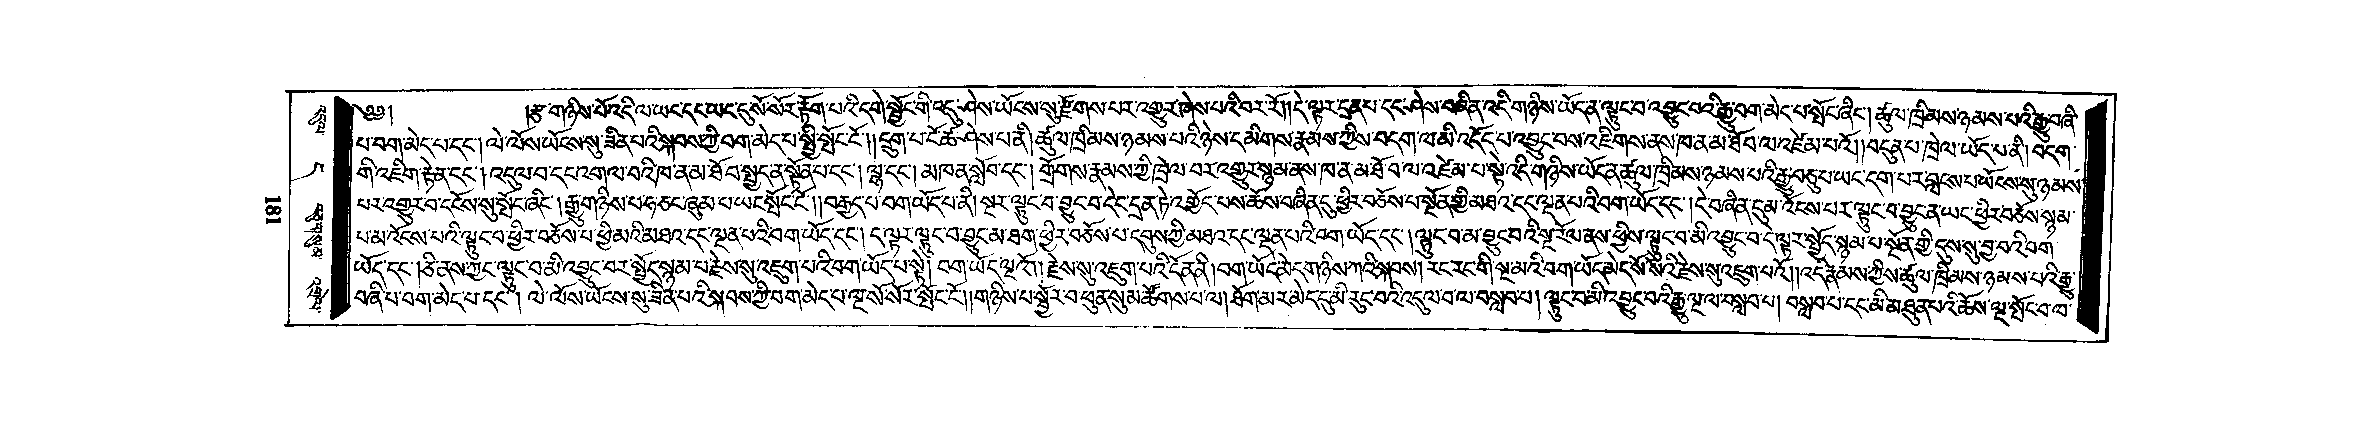༄༅། །རྩ་གཉིས་པོ་འདི་ལ་ཡང་དང་ཡང་དུ་སོ་སོར་རྟོག་པའི་དགེ་སྦྱོང་གི་འདུ་ཤེས་ཡོངས་སུ་རྫོགས་པར་འགྱུར་ཞེས་པའི་བར་རོ། །དེ་ལྟར་དྲན་པ་དང་ཤེས་བཞིན་འདི་གཉིས་ཡོད་ན་ལྟུང་བ་འབྱུང་བའི་རྒྱུ་བག་མེད་པ་སྤོང་ཞིང་། ཚུལ་ཁྲིམས་ཉམས་པའི་རྒྱུ་བཞི་
པ་བག་མེད་པ་དང་། ལེ་ལོས་ཡོངས་སུ་ཟིན་པའི་སྐབས་ཀྱི་བག་མེད་པ་སྤྱི་སྤོང་ངོ། །དྲུག་པ་ངོ་ཚ་ཤེས་པ་ནི། ཚུལ་ཁྲིམས་ཉམས་པའི་ཉེས་དམིགས་རྣམས་ཀྱིས་བདག་ལ་མི་འདོད་པ་འབྱུང་བས་འཇིགས་ནས་ཁ་ན་མ་ཐོབ་ལ་འཛེམ་པའོ། །བདུན་པ་ཁྲེལ་ཡོད་པ་ནི། བདག་
གི་འཇིག་རྟེན་དང་། འདུལ་བ་དང་འགལ་བའི་ཁ་ན་མ་ཐོ་བ་སྤྱད་ན་སྟོན་པ་དང་། ལྷ་དང་། མཁན་སློབ་དང་། གྲོགས་རྣམས་ཀྱི་ཁྲེལ་བར་འགྱུར་སྙམ་ནས་ཁ་ན་མ་ཐོ་བ་ལ་འཛེམ་པ་སྟེ་འདི་གཉིས་ཡོད་ན་ཚུལ་ཁྲིམས་ཉམས་པའི་རྒྱུ་བཅུ་པ་ཡང་དག་པར་བླངས་པ་ཡོངས་སུ་ཉམས་
པར་འགྱུར་བ་དངོས་སུ་སྤོང་ཞིང་། རྒྱུ་གཉིས་པ་ཧ་ཅང་ཞུམ་པ་ཡང་སྤོང་ངོ། །བརྒྱད་པ་བག་ཡོད་པ་ནི། སྔར་ལྟུང་བ་བྱུང་བ་དེང་དྲན་ཏེ་འགྱོད་པས་ཆོས་བཞིན་དུ་ཕྱིར་བཅོས་པ་སྔོན་གྱི་མཐའ་དང་ལྡན་པའི་བག་ཡོད་དང་། དེ་བཞིན་དུ་མ་འོངས་པར་ལྟུང་བ་བྱུང་ན་ཡང་ཕྱིར་བཅོས་སྙམ་
པ་མ་འོངས་པའི་ལྟུང་བ་ཕྱིར་བཅོས་པ་ཕྱི་མའི་མཐའ་དང་ལྡན་པའི་བག་ཡོད་དང་། ད་ལྟར་ལྟུང་བ་བྱུང་མ་ཐག་ཕྱིར་བཅོས་པ་དབུས་ཀྱི་མཐའ་དང་ལྡན་པའི་བག་ཡོད་དང་། ལྟུང་བ་མ་བྱུང་བའི་སྔ་རོལ་ནས་ཕྱིས་ལྟུང་བ་མི་འབྱུང་བ་དེ་ལྟར་སྤྱོད་སྙམ་པ་སྔོན་གྱི་དུས་སུ་བྱ་བའི་བག་
ཡོད་དང་། ཅི་ནས་ཀྱང་ལྟུང་བ་མི་འབྱུང་བར་སྤྱོད་སྙམ་པ་རྗེས་སུ་འཇུག་པའི་བག་ཡོད་པ་སྟེ། བག་ཡོད་ལྔའོ། །རྗེས་སུ་འཇུག་པའི་དོན་ནི། བག་ཡོད་མེད་གཉིས་ཀའི་སྐབས། རང་རང་གི་སྔ་མའི་བག་ཡོད་མེད་སོ་སོའི་རྗེས་སུ་འཇུག་པའོ། །འདི་རྣམས་ཀྱིས་ཚུལ་ཁྲིམས་ཉམས་པའི་རྒྱུ་
བཞི་པ་བག་མེད་པ་དང་། ལེ་ལོས་ཡོངས་སུ་ཟིན་པའི་སྐབས་ཀྱི་བག་མེད་པ་ལྔ་སོ་སོར་སྤོང་ངོ། །གཉིས་པ་སྦྱོར་བ་ཕུན་སུམ་ཚོགས་པ་ལ། ཐོག་མར་མེད་དུ་མི་རུང་བའི་འདུལ་བ་ལ་བསླབ་པ། ལྟུང་བ་མི་འབྱུང་བའི་རྒྱུ་ལྔ་ལ་བསླབ་པ། བསླབ་པ་དང་མི་མཐུན་པའི་ཆོས་ལྔ་སྤོང་བ་ལ་